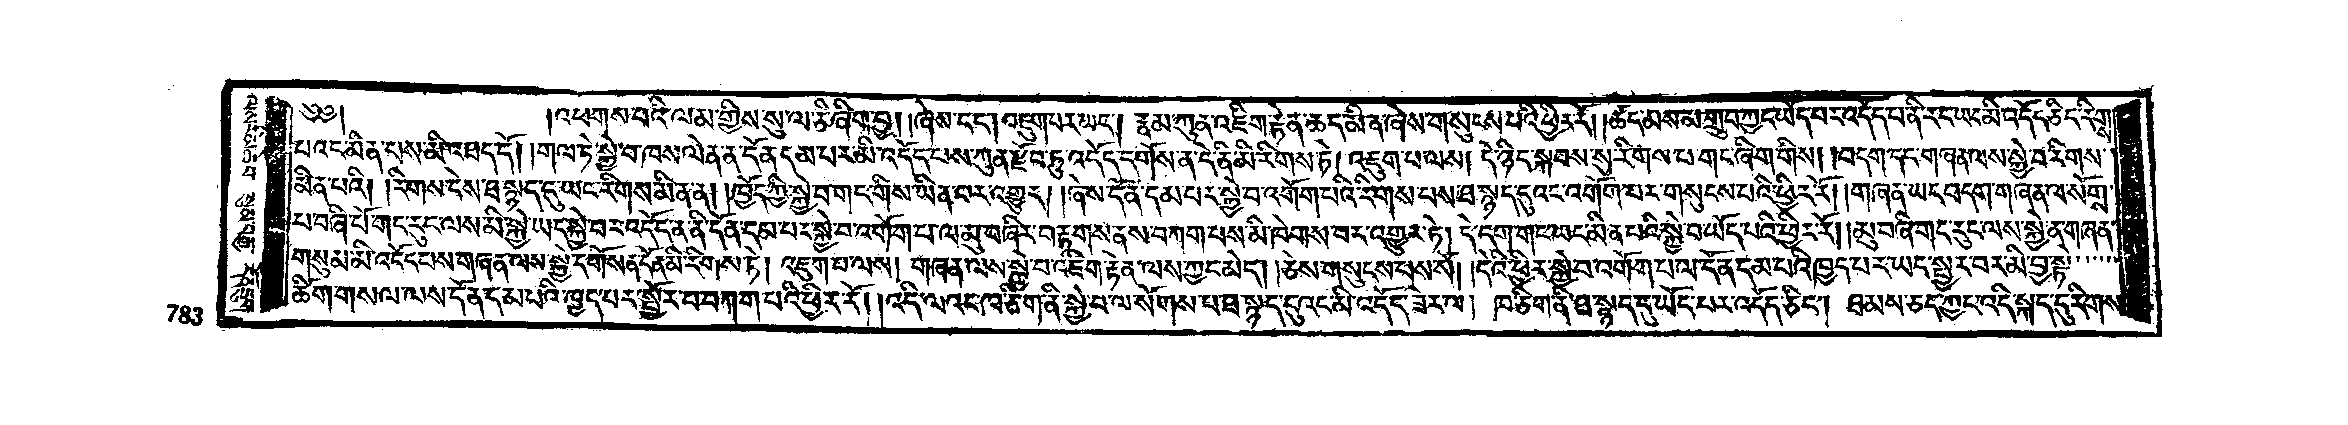༄༅། །འཕགས་པའི་ལམ་གྱིས་སུ་ལ་ཅི་ཞིག་བྱ། །ཞེས་དང་། འཇུག་པར་ཡང་། རྣམ་ཀུན་འཇིག་རྟེན་ཚད་མིན་ཞེས་གསུངས་པའི་ཕྱིར་རོ། །ཚད་མས་མ་གྲུབ་ཀྱང་ཡོད་པར་འདོད་པ་ནི་རང་ཡང་མི་འདོད་ཅིང་རིགས་
པའང་མིན་པས་མི་འཐད་དོ། །གལ་ཏེ་སྐྱེ་བ་ཁས་ལེན་ན་དོན་དམ་པར་མི་འདོད་པས་ཀུན་རྫོབ་ཏུ་འདོད་དགོས་ན་དེ་ནི་མི་རིགས་ཏེ། འཇུག་པ་ལས། དེ་ཉིད་སྐབས་སུ་རིགས་པ་གང་ཞིག་གིས། །བདག་དང་གཞན་ལས་སྐྱེ་བ་རིགས་
མིན་པའི། །རིགས་དེས་ཐ་སྙད་དུ་ཡང་རིགས་མིན་ན། །ཁྱོད་ཀྱི་སྐྱེ་བ་གང་གིས་ཡིན་པར་འགྱུར། །ཞེས་དོན་དམ་པར་སྐྱེ་བ་འགོག་པའི་རིགས་པས་ཐ་སྙད་དུའང་འགོག་པར་གསུངས་པའི་ཕྱིར་རོ། །གཞན་ཡང་བདག་གཞན་ལ་སོགས་
པ་བཞི་པོ་གང་རུང་ལས་མི་སྐྱེ་ཡང་སྐྱེ་བར་འདོད་ན་ནི་དོན་དམ་པར་སྐྱེ་བ་འགོག་པ་ལ་མུ་བཞིར་བརྟགས་ནས་བཀག་པས་མི་ཁེགས་པར་འགྱུར་ཏེ། དེ་དག་གང་ཡང་མིན་པའི་སྐྱེ་བ་ཡོད་པའི་ཕྱིར་རོ། །མུ་བཞི་གང་རུང་ལས་སྐྱེ་ན་གཞན་
གསུམ་མི་འདོད་པས་གཞན་ལས་སྐྱེ་དགོས་ན་དེ་ནི་མི་རིགས་ཏེ། འཇུག་པ་ལས། གཞན་ལས་སྐྱེ་བ་འཇིག་རྟེན་ལས་ཀྱང་མེད། །ཅེས་གསུངས་པས་སོ། །དེའི་ཕྱིར་སྐྱེ་བ་འགོག་པ་ལ་དོན་དམ་པའི་ཁྱད་པར་ཡང་སྦྱར་བར་མི་བྱ་སྟེ།
ཚིག་གསལ་ལས་དོན་དམ་པའི་ཁྱད་པར་སྦྱོར་བ་བཀག་པའི་ཕྱིར་རོ། །འདི་ལའང་ཁ་ཅིག་ནི་སྐྱེ་བ་ལ་སོགས་པ་ཐ་སྙད་དུའང་མི་འདོད་ཟེར་ལ། ཁ་ཅིག་ནི་ཐ་སྙད་དུ་ཡོད་པར་འདོད་ཅིང་། ཐམས་ཅད་ཀྱང་འདི་སྐད་དུ་རིགས་